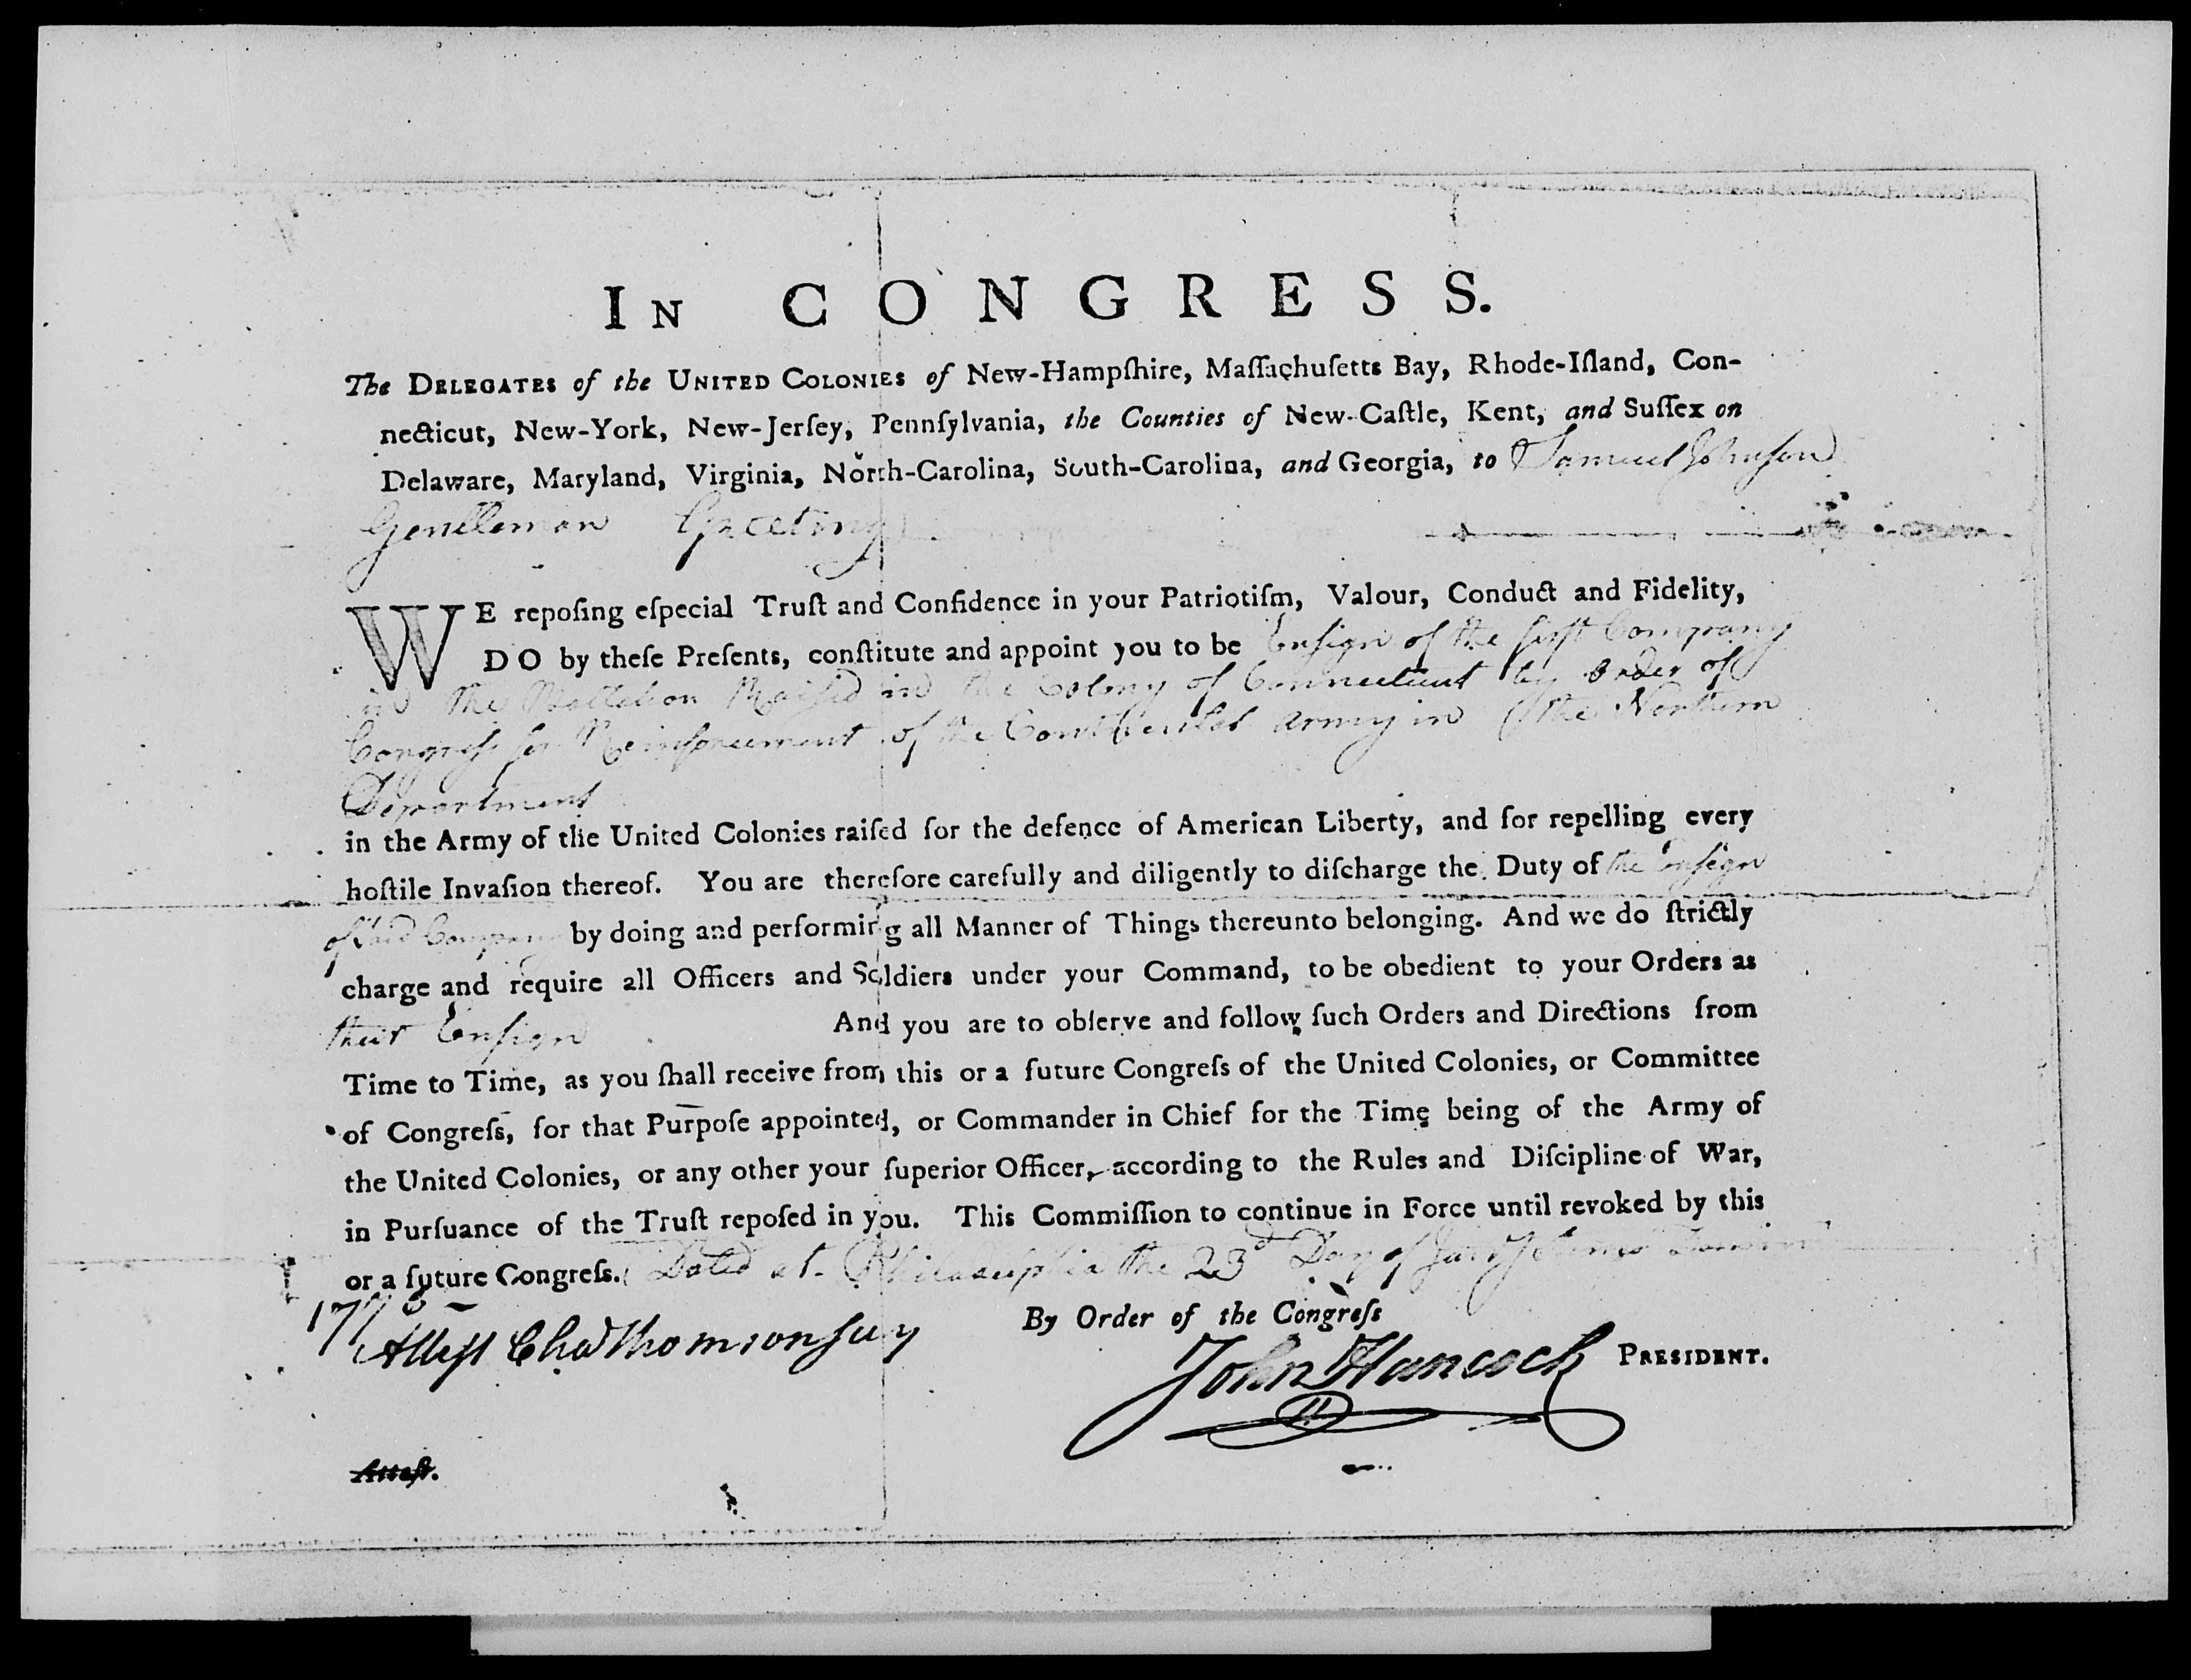IN CONGRESS  
The Delegates of the United Colonies, of New Hampshire Massachusetts Bay, Rhode Island, Connecticut, New York 1 New Jersey, Pennsylvania, the Counties of New Castle, Kent and Sussex in Delaware, Maryland, Virginia, North Carolina, South Carolina , and Georgia, Gentleman Greeting To Samuel Johnson  Greeting
We reposing especial trust and confidence in your patriotism, Valor, Conduct and fidelity, Do by these presents constitute and appoint you to be Ensign of the first company in the Battalion raised in the Colony of Connecticut by order of Congress for Reinforcement of the Continental Army in the Northern department in the Army of the United Colonies raised for the Defence of American Liberty and for repelling every hostile invasion thereof you are therefore carefully and diligently to discharge the duty of the Ensign of said Company, by doing and performing all manner of things thereunto belonging, and we do strictly charge and require all officers and Soldiers under your command to be obedient to your orders as their Ensign. and you are to observe and follow such orders and directions from time to time as you shall receive from this or a future Congress of the United Colonies, or Committee of Congress for that purpose appointed or commander in chief for the time being of the Army of the United Colonies or any other your Superior Officer according to the rules and discipline of War in Pursuance of the Trust reposed in you. This Commission to continue in Force until revoked by this or a Future Congress 
Dated at Philadelphia the 23d Day of Jany [unreadable] 1776
Attest Cha Thomson Secy
By Order of the Congress 
John Hancock PRESIDENT.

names: Chas Thomson; Samuel Johnson; John Hancock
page: 25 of 43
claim: rejected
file: R. 5655, for Samuel Johnson, Connecticut